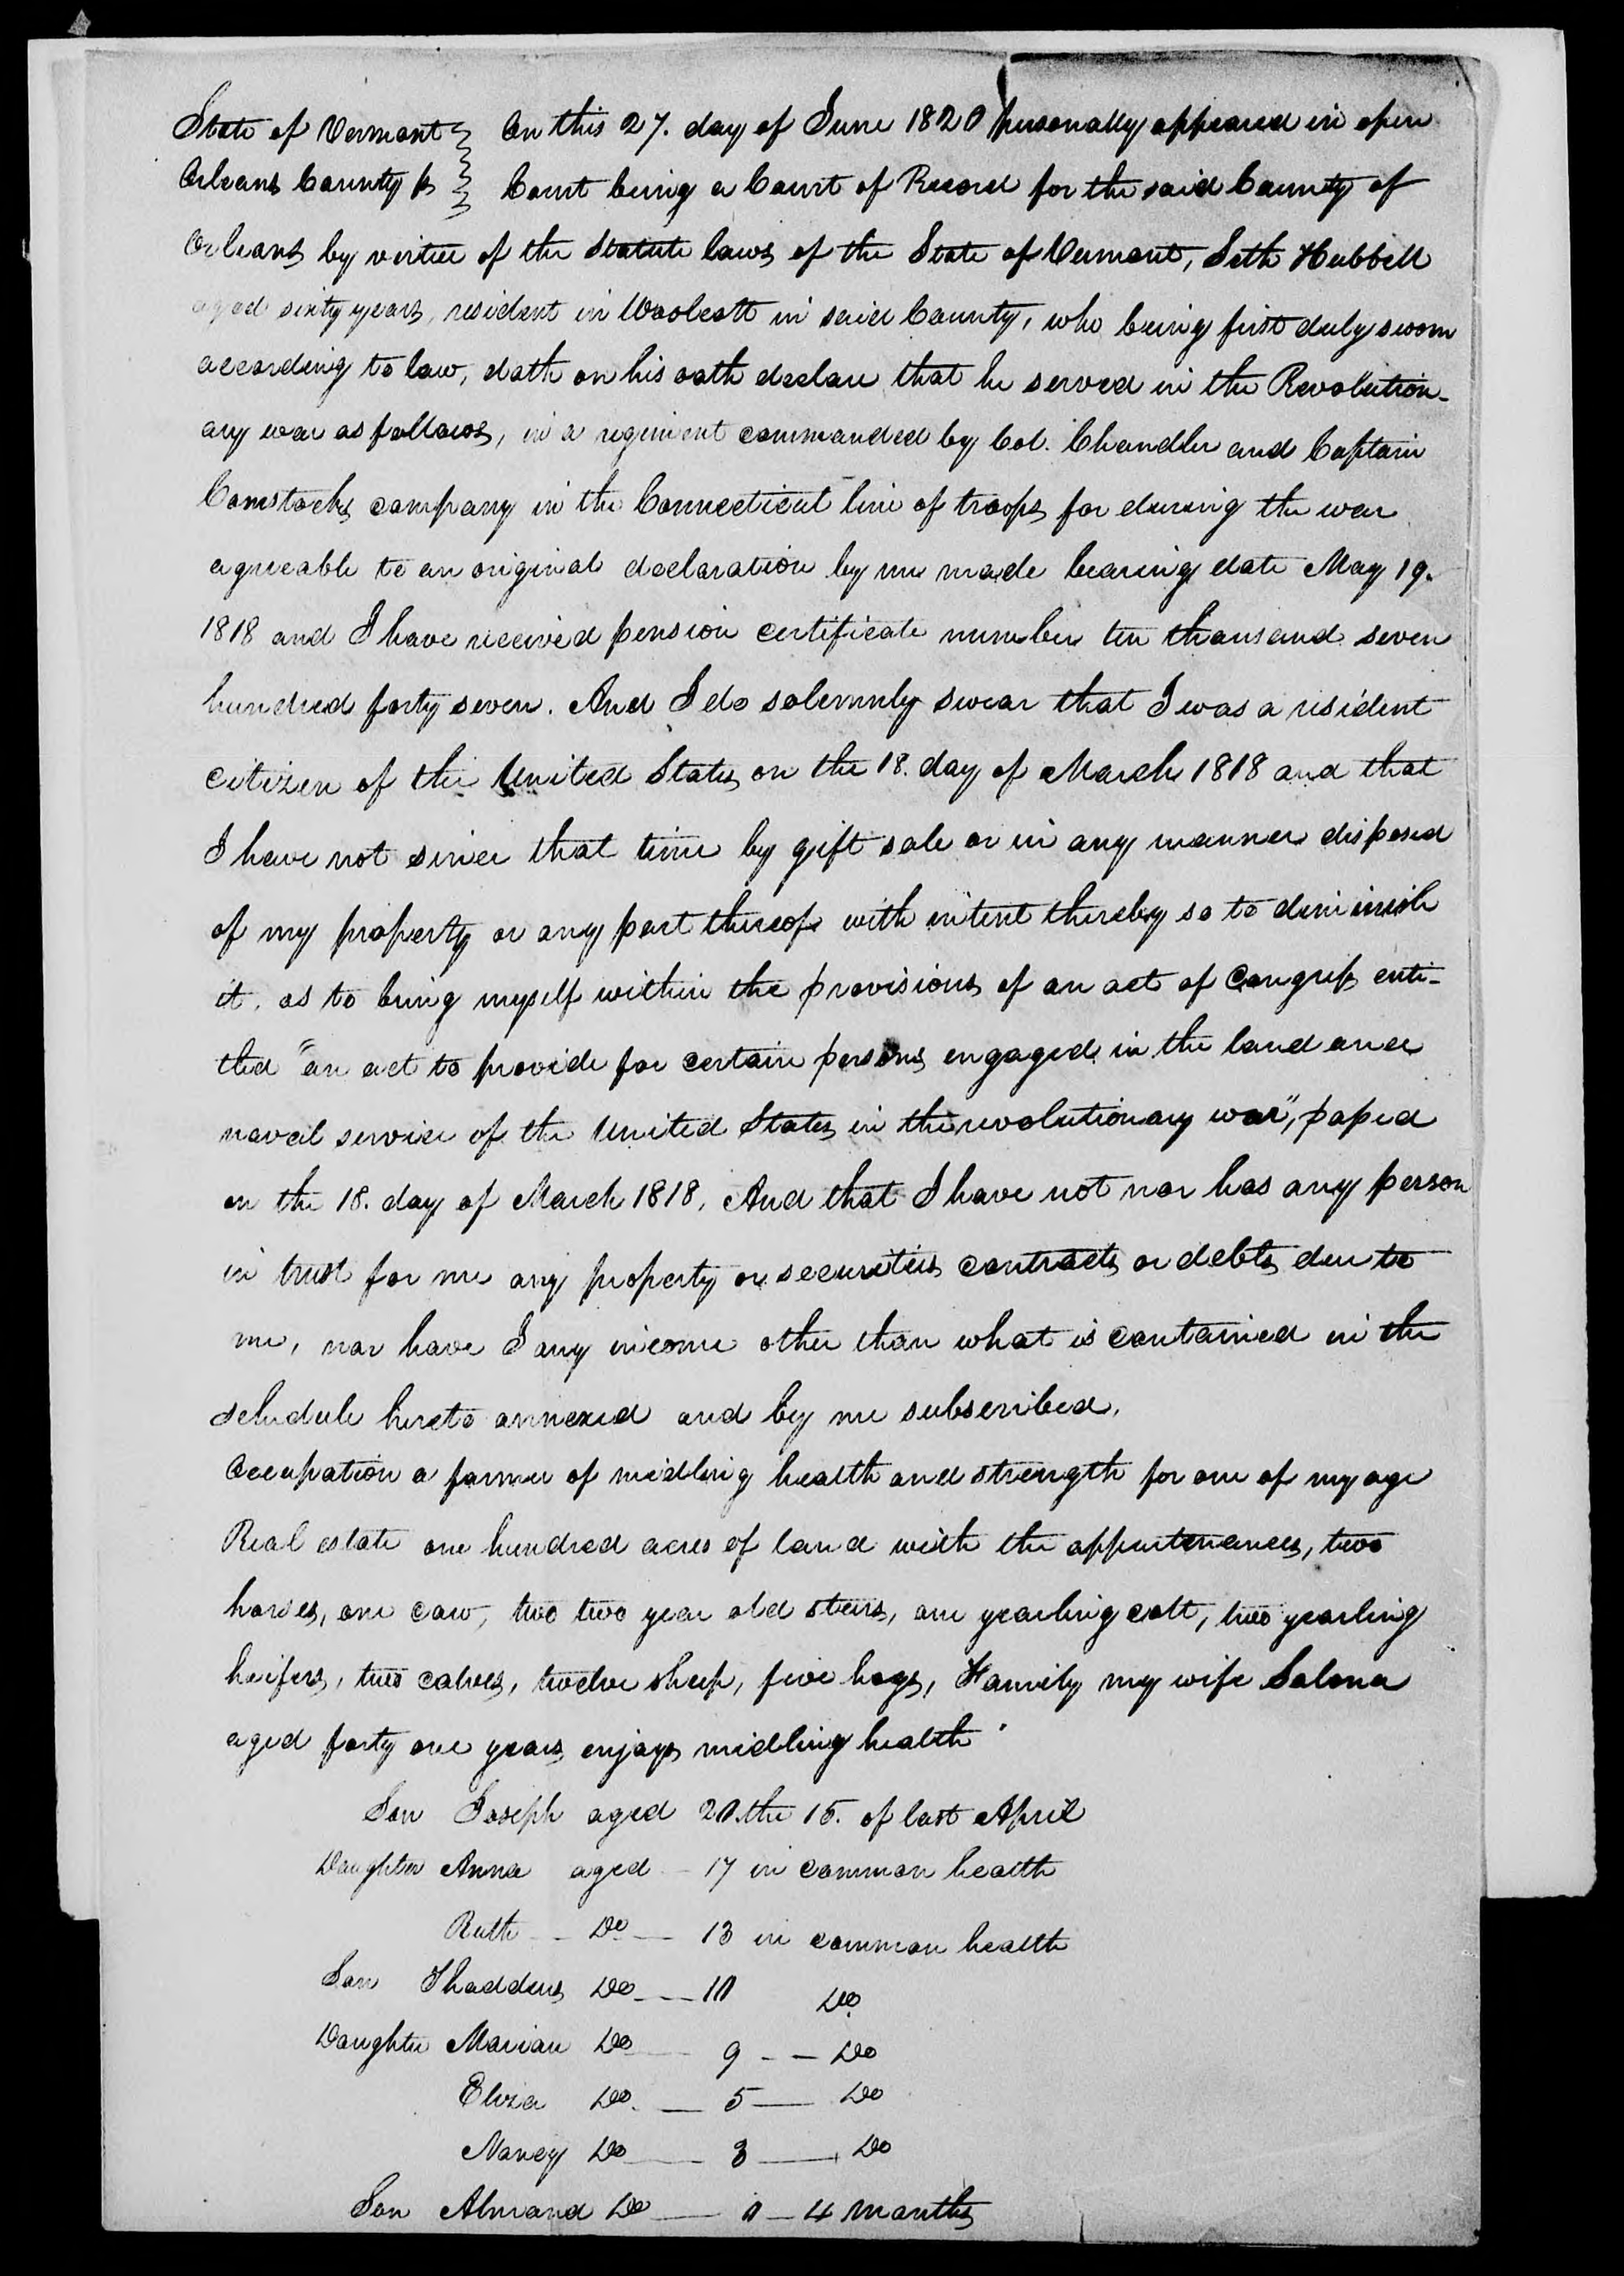State of Vermont
Orleans County SS
On this 27. day of June 1820 personally appeared in open court being a court of Record for the said County of Orleans by virtue of the statute laws of the State of Vermont, Seth Hubbell, aged sixty years, resident in Woolcott in said County, who being first duly sworn according to law, doth on his oath declare that he served in the Revolutionary war as follows, in a regiment commanded by Col. Chandler and Captain Comstocks company in the Connecticut line of troops for during the war agreeable to an original declaration by me made bearing date May 19, 1818 and I have received pension certificate number ten thousand seven hundred forty seven. And I do solemnly swear that I was a resident citizen of the United States on the 18. day of March 1818 and that I have not since that time by gift sale or in any manner disposed of my property or any part thereof with intent thereby so to diminish it, as to being myself within the provisions of an act of congress entitled "an act to provide for certain persons engaged in the land and naval service of the United States in the revolutionary war", passed on the 18. day of March 1818. And that I have not nor has any person in trust for me any property or securities contracts or debts due to me, nor have I any income other than what is contained in the schedule hereto annexed and by me subscribed, occupation a farmer of midling health and strength for one of my age Real estate one hundred acres of land with the appurtenances two horses, one cow, two two year old steers, one yearling colt, two yearling heifers, two calves, twelve sheep, five hogs, Family my wife Salome aged forty one years enjoys midling health

Son Joseph aged 20 the 15. of last April
Daughter Anna aged __ 17 in common health
                Ruth __ Do __ 13 in common health
     Son Thaddeus Do __ 10  Do
Daughter Marian Do__ 9 __Do
                    Eliza  Do. __ 5 __ Do
                   Nancy Do __ 3 __ Do
        Son Almond Do __ 0__4 months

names: Seth Hubbell, Nancy, Joseph, Salome, Almond, Eliza, Ruth, Thaddeus, Anna, Marian, Chandler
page: 85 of 114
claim: widow's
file: W. 2115, Seth Hubbell, Conn.